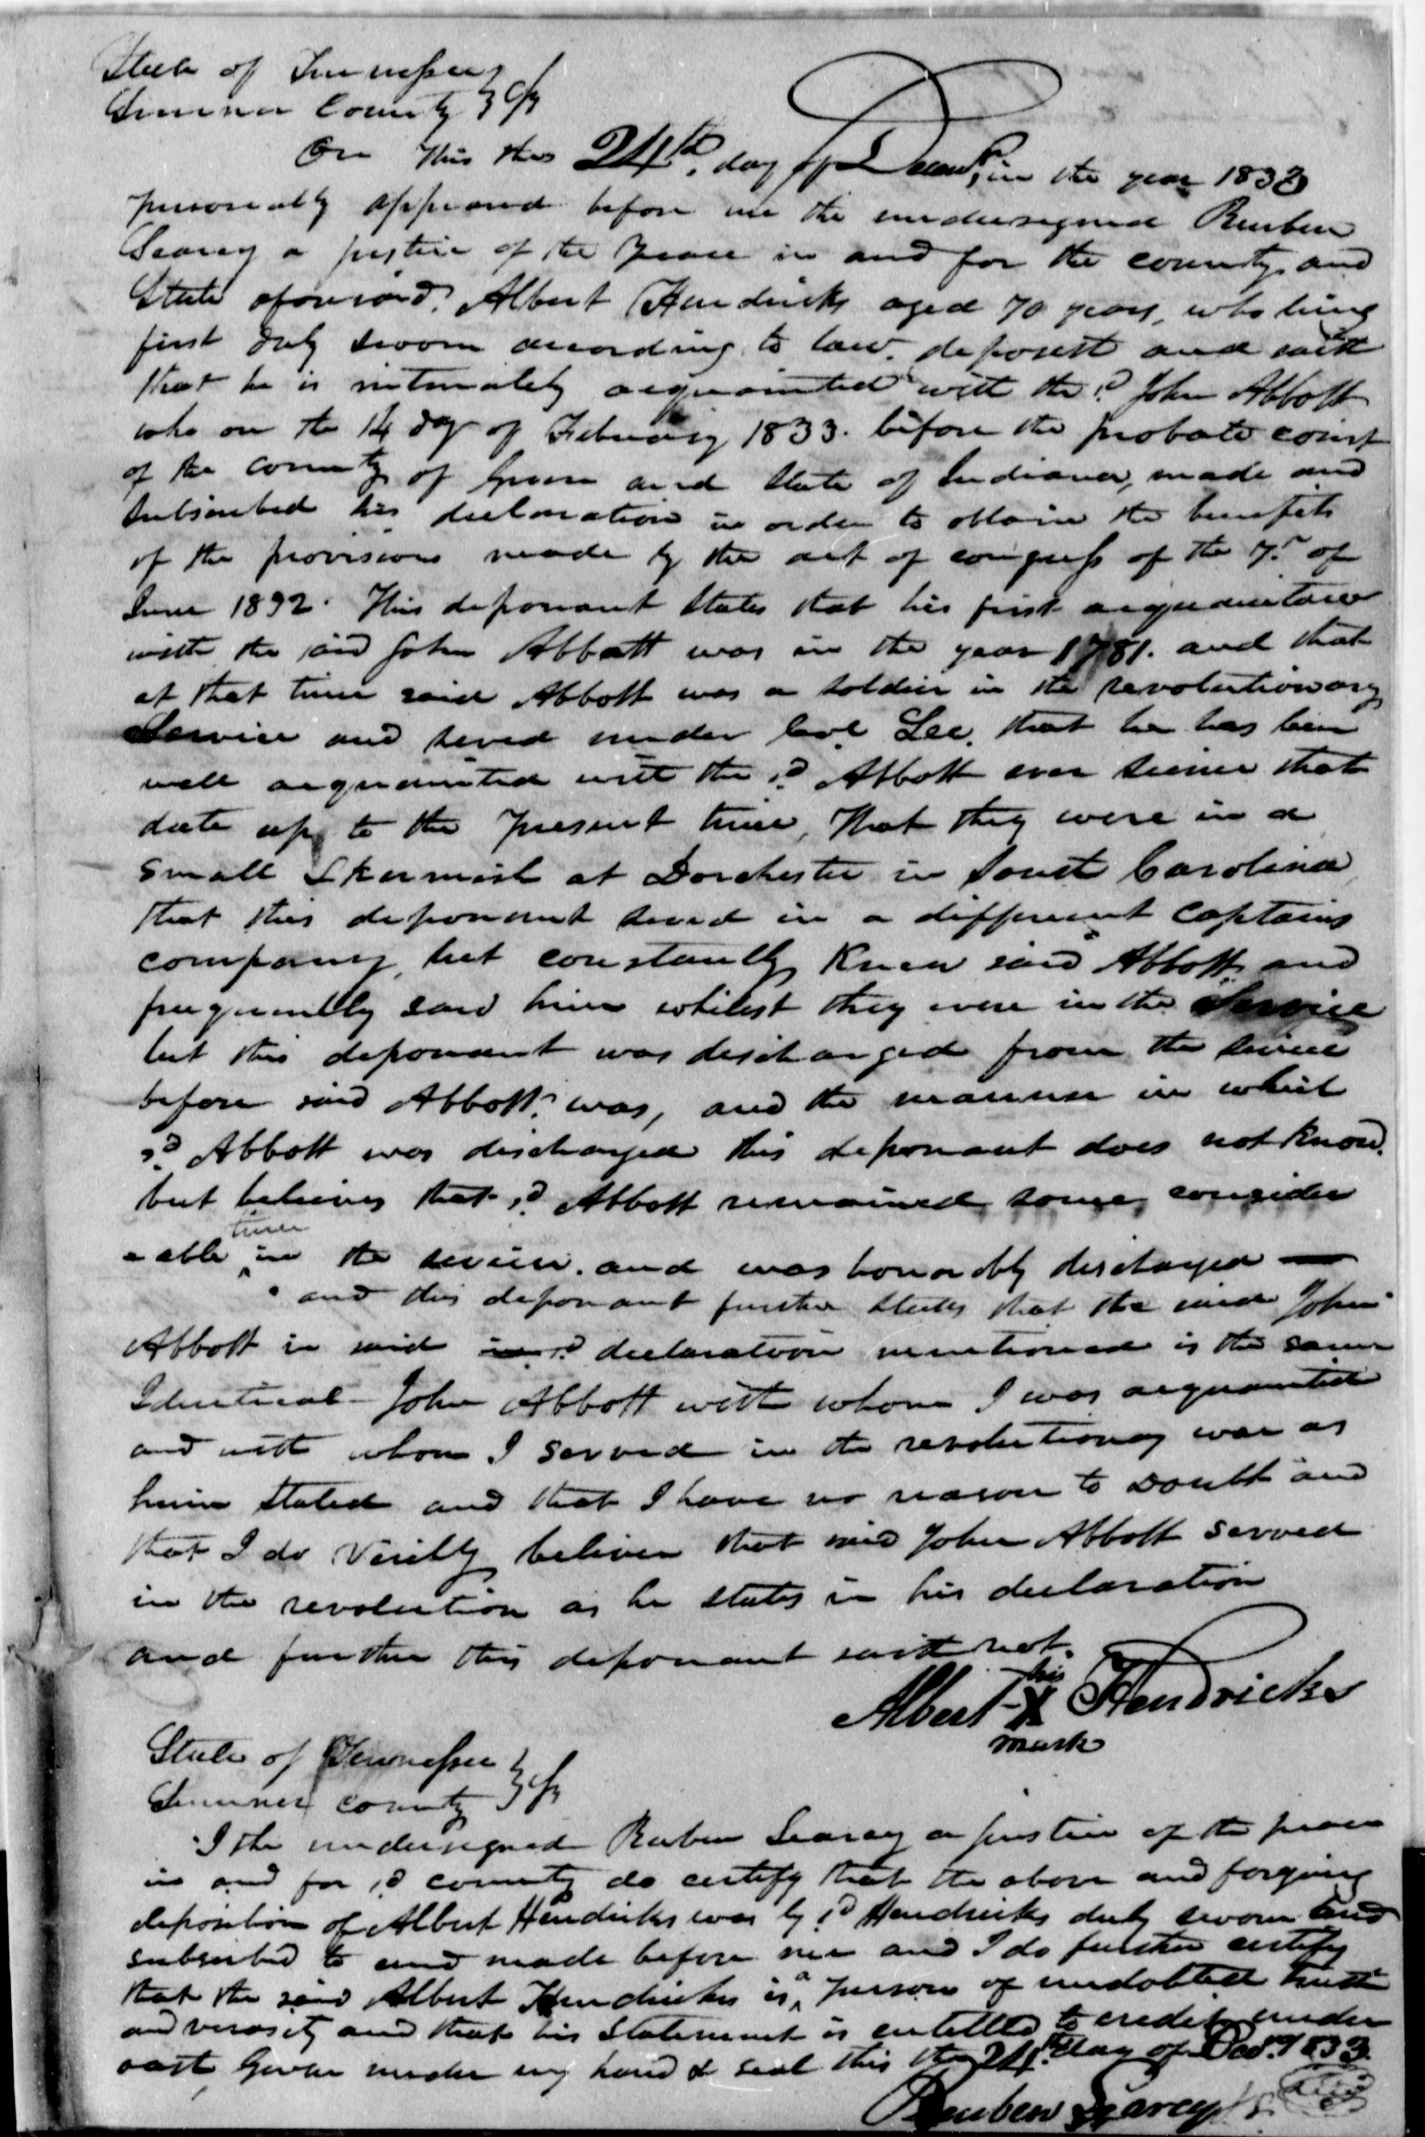State of Tennessee
Sumner County
On this the 24th day of [illegible] in the year 1833
personally appeared before me the undersigned Reuben
Sary a Justice of the peace in and for the County and
State aforesaid, Albert Hendricks aged 70 years, who being
first duly sworn according to law, deposeth and saith
that he is intimately acquainted with the John Abbott
who on the 14 day of February 1833 before the probate court
of the County of Greene and State of Indiana, made and
subscribed his declaration in order to obtain the benefit
of the provisions made by the act of congress of the 7th of
June 1832. This deponent states that his first acquaintance
with the said John Abbott was in the year 1781, and that
at that time said Abbott was a soldier in the revolutionary
Service and served under Col. Lee. that he has been
well acquainted with the said Abbot ever since that
date up to the present time, that they were in a
small skirmish at Dorchester in South Carolina
that this deponent and in a different captain's
company but constantly know said Abbot and
frequently saw him whilst they were in the service
but this deponent was discharged from the service
before said Abbott was, and the manner in which
said Abbott was discharged this deponent does not know.
but believes that Abbott remained some considerable
time in the service and was honorably discharged
and this deponent further states that the said John Abbott in said declaration mentioned is the same
Identical John Abbott with whom I was acquainted
and with whom I served in the revolutionary war as
here stated and that I have no reason to doubt and
that I do verily believe that said John Abbott served
in the revolution as he states in his declaration
and further this deponent said not
Albert Hendricks
his mark
State of Tennessee
Sumner County ⎬
I the undersigned Ruben Leary a Justice of the peace
in and for a county do certify that the above and forgoing
deposition of Albert Hendricks was by Hendricks duly sworn and
subscribed to and made before me and I do further certify
that the said Albert Hendricks is a person of undoubted truth
and veracity and that his statement is entitled to credit under
oath Given under my hand & seal this the 24th day of Oct. of 1833
Reuben Searcy
=
---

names: Hendricks, Albert Hendricks, John Abbott, Abbott, John Abbott, Abbott, John Abbott, Abbott, Abbott, Lee, John Abbott, Ruben Searcy, Abbott, John Abbott, Reuben Searcy, Abbott, Albert Hendriks, Albert Hendricks, Albert Hendricks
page: 24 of 35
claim: survivor's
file: S. 32089, John Abbott, Continental N. C.